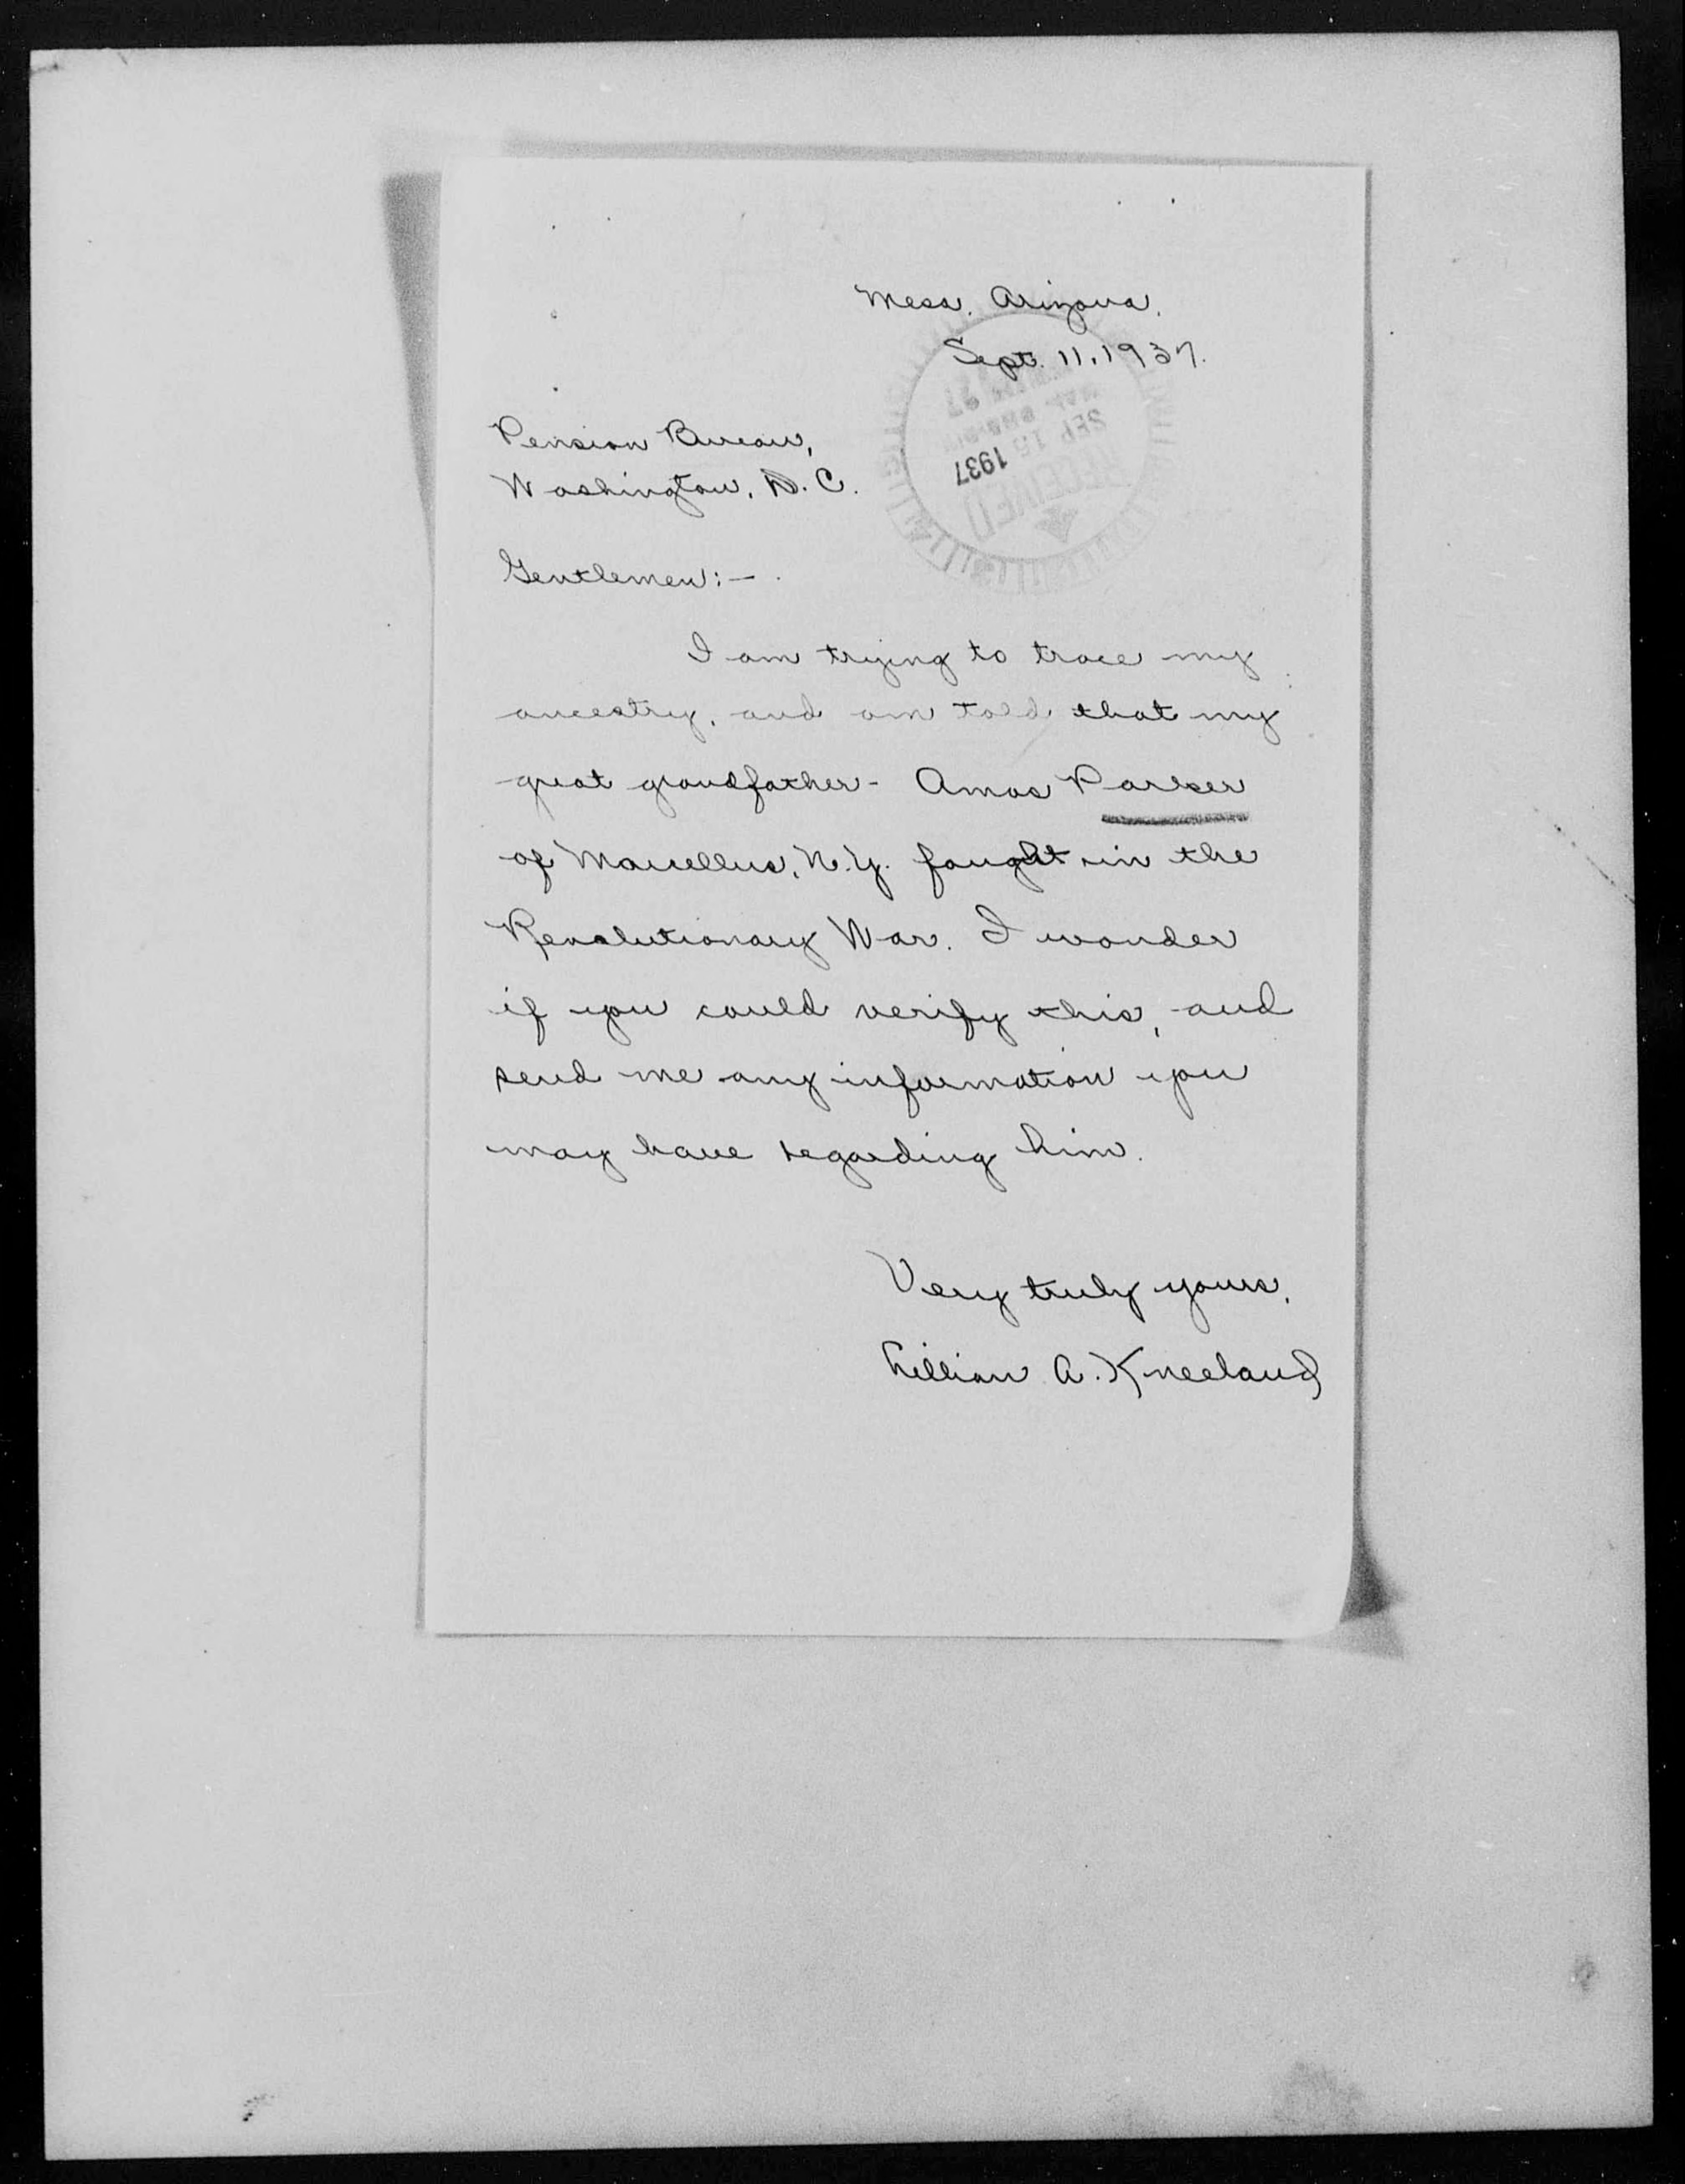Mesa Arizona
Sept. 11, 1937
Pension Bureau
Washington, D.C.
Gentlemen:-
I am trying to trace my
ancestry, and am told that my
great grandfather. Amos Parker
of Marcellus, N.Y. fought in the
Revolutionary War. I wonder
if you could verify this and
send me any information you
may have regarding him.
my truly yours
Lillian A. Kneeland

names: Amos Parker; Lillian A Kneeland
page: 19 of 31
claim: survivor's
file: S. 43766, for Amos Parker, Connecticut